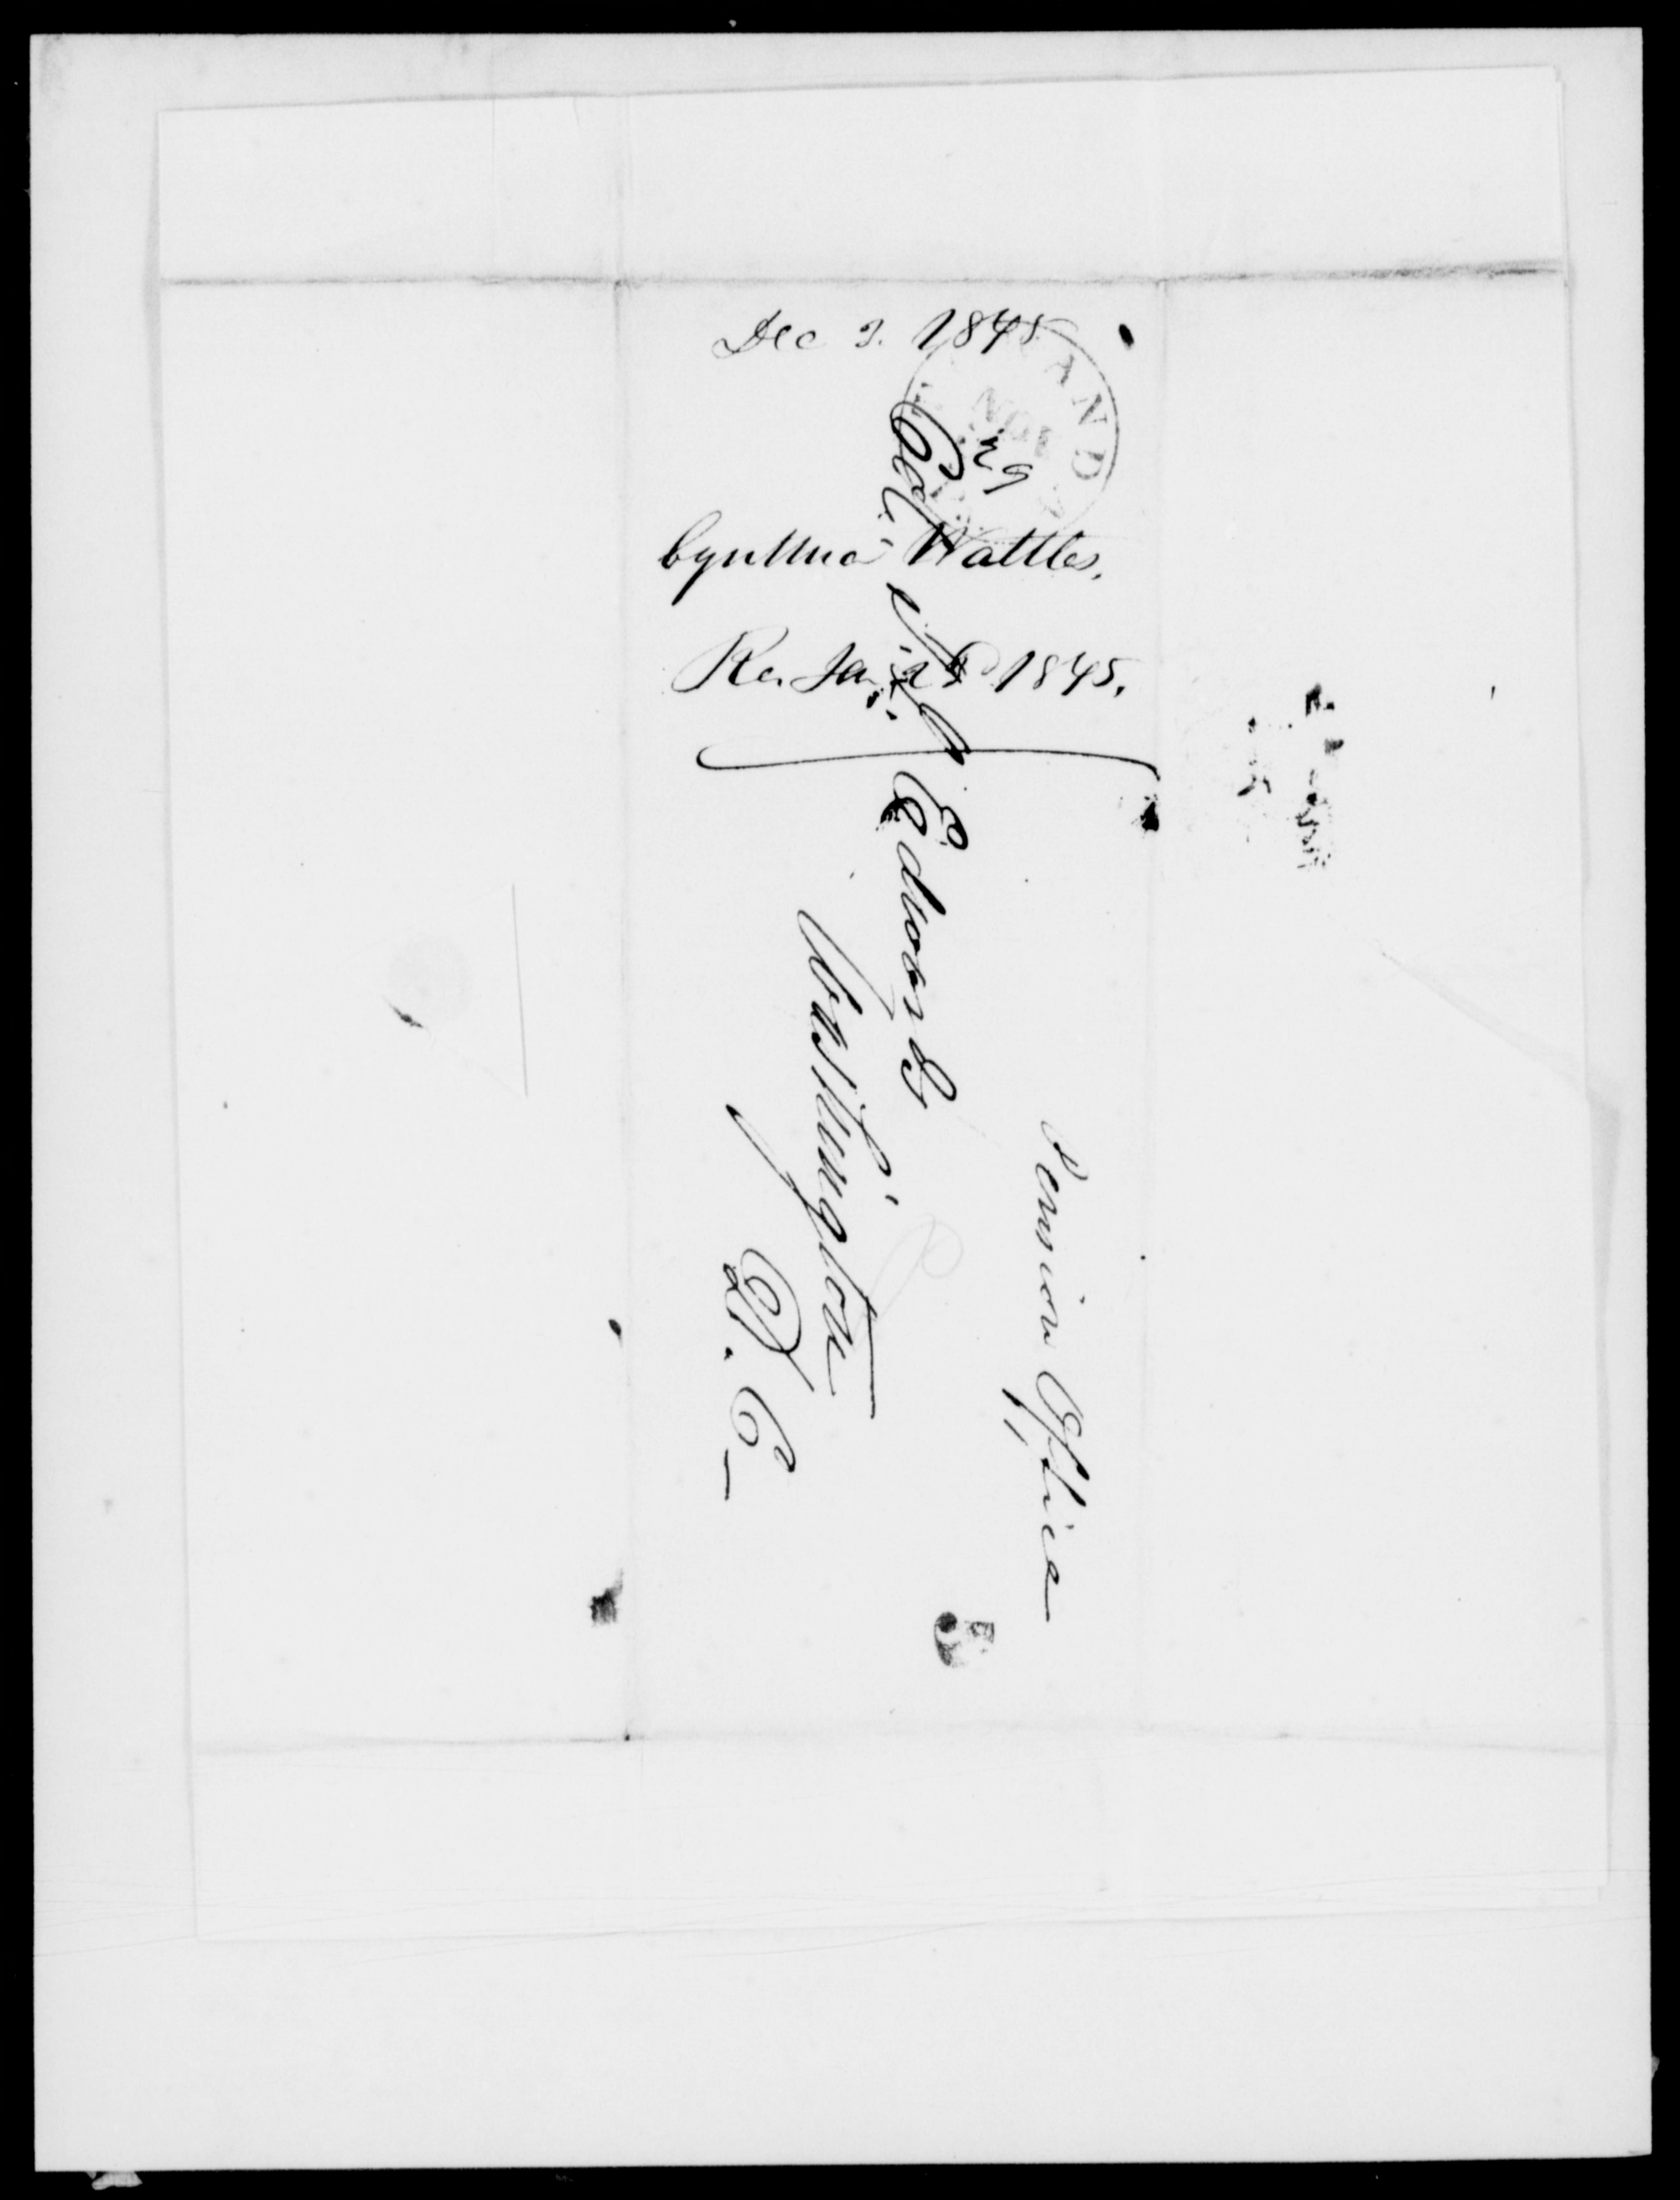Dec 2 1848

TOWANDA
NOV
[  ]
Pa

Cynthia Wattles,
Re. Jan 25, 1845
-------------------

Pension Office
Col. J. L. Edwards
Washington
D. C. 

5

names: Cynthia Wattles, J L Edwards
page: 39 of 70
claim: widow's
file: W. 3743, Dan Wattles, Conn.